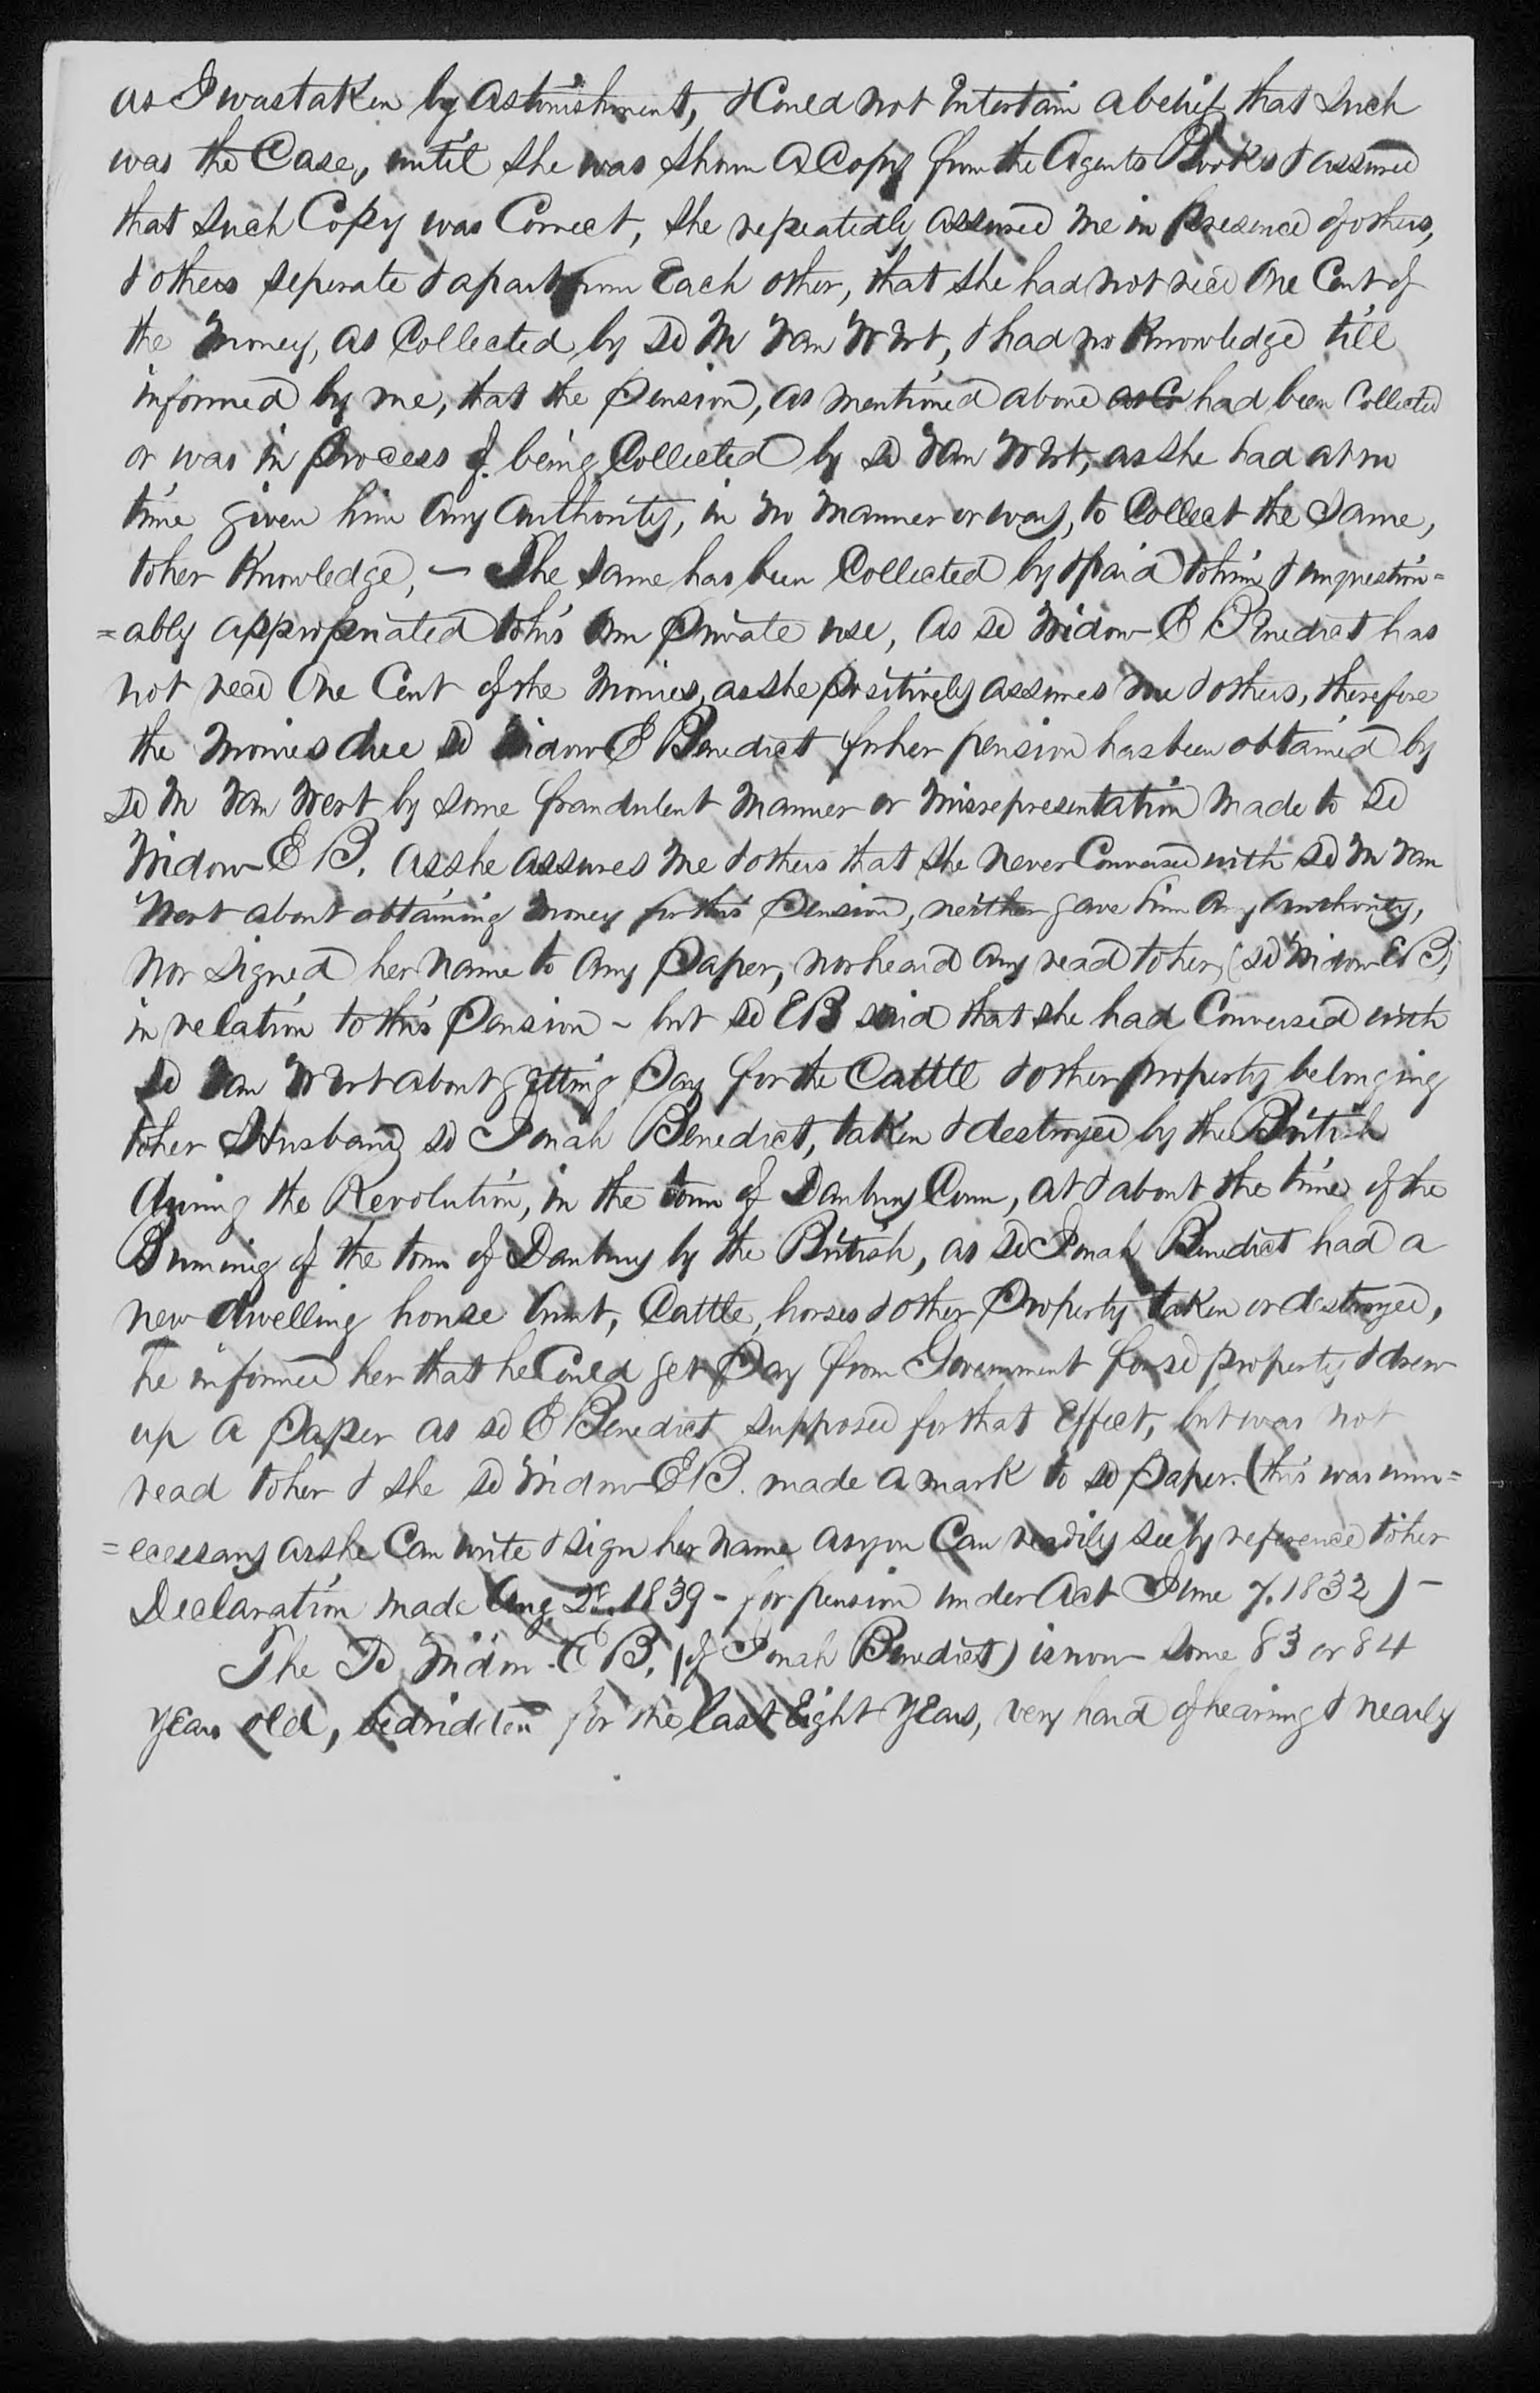as I was taken by astonishment, & could not entertain a belief that such
was the case, until she was shown a Copy from the Agents Books & assured
that such copy was correct, she repeatedly assured me in presence of others,
& others seperate & apart from each other, that she had not recd one cent of
the money, as Collected by sd Mr Van West, & had no knowledge till
informed by me, that the pension, as mentioned above had been collected
or was in process of being collected by Mr Van West, as she had at no
time given him any Authority, in in manner or way, to collect the same,
to her knowledge, - The same has been collected by & paid to him & unquestion-
=ably appropriated to his own private use, As sd widow E Benedict has
not recd one cent of the monies, as she positively assures me others, therefore
the monies the sd Widow E Benedict for her pension has been obtained by
sd Mr Van West by some from fraudulent manner or misrepresentation made to sd
Widow E. B. As she assures me & others that she never conversed with sd Mr Van
West about obtaining money for the pension, neither gave him any authority,
nor signed her name to any paper, or heard and read to her sd Widow EB
in relation to this pension - but so EB said that she had conversed with
sd Van West about getting pay for the cattle & other property belonging
to her Husband sd Jonah Benedict, taken & destroyed by the British
during the Revolution, in the town of Danbury Conn, at about the time of the
Buming of the town of Danbury by the British, as sd Jonah Benedict had a
new dwelling house built, Cattle, horses & other property taken or destroyed,
he informed her that he could get day from Government for sd property & drew
up a paper as sd E Benedict supposed for that effect, but was not
read to her & she sd Widoew EB. made a mark to sd paper (this was un-
necessary as she can write & sign her name as you can readily see by reference to her
Declaration made Aug 22 1839 for pension under Act June 7, 1832
   The sd widow E B. of Jonah Benedict is now some 83 or 84
years old, bedridden for the last Eight years, very hard of hearing & nearly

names: Jonah Benedict, E Benedict, E Benedict, E B, Jonah Benedict, E Benedict, Jonah Benedict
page: 36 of 56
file: [ILLEGIBLE], Jonah Benedict, Conn.